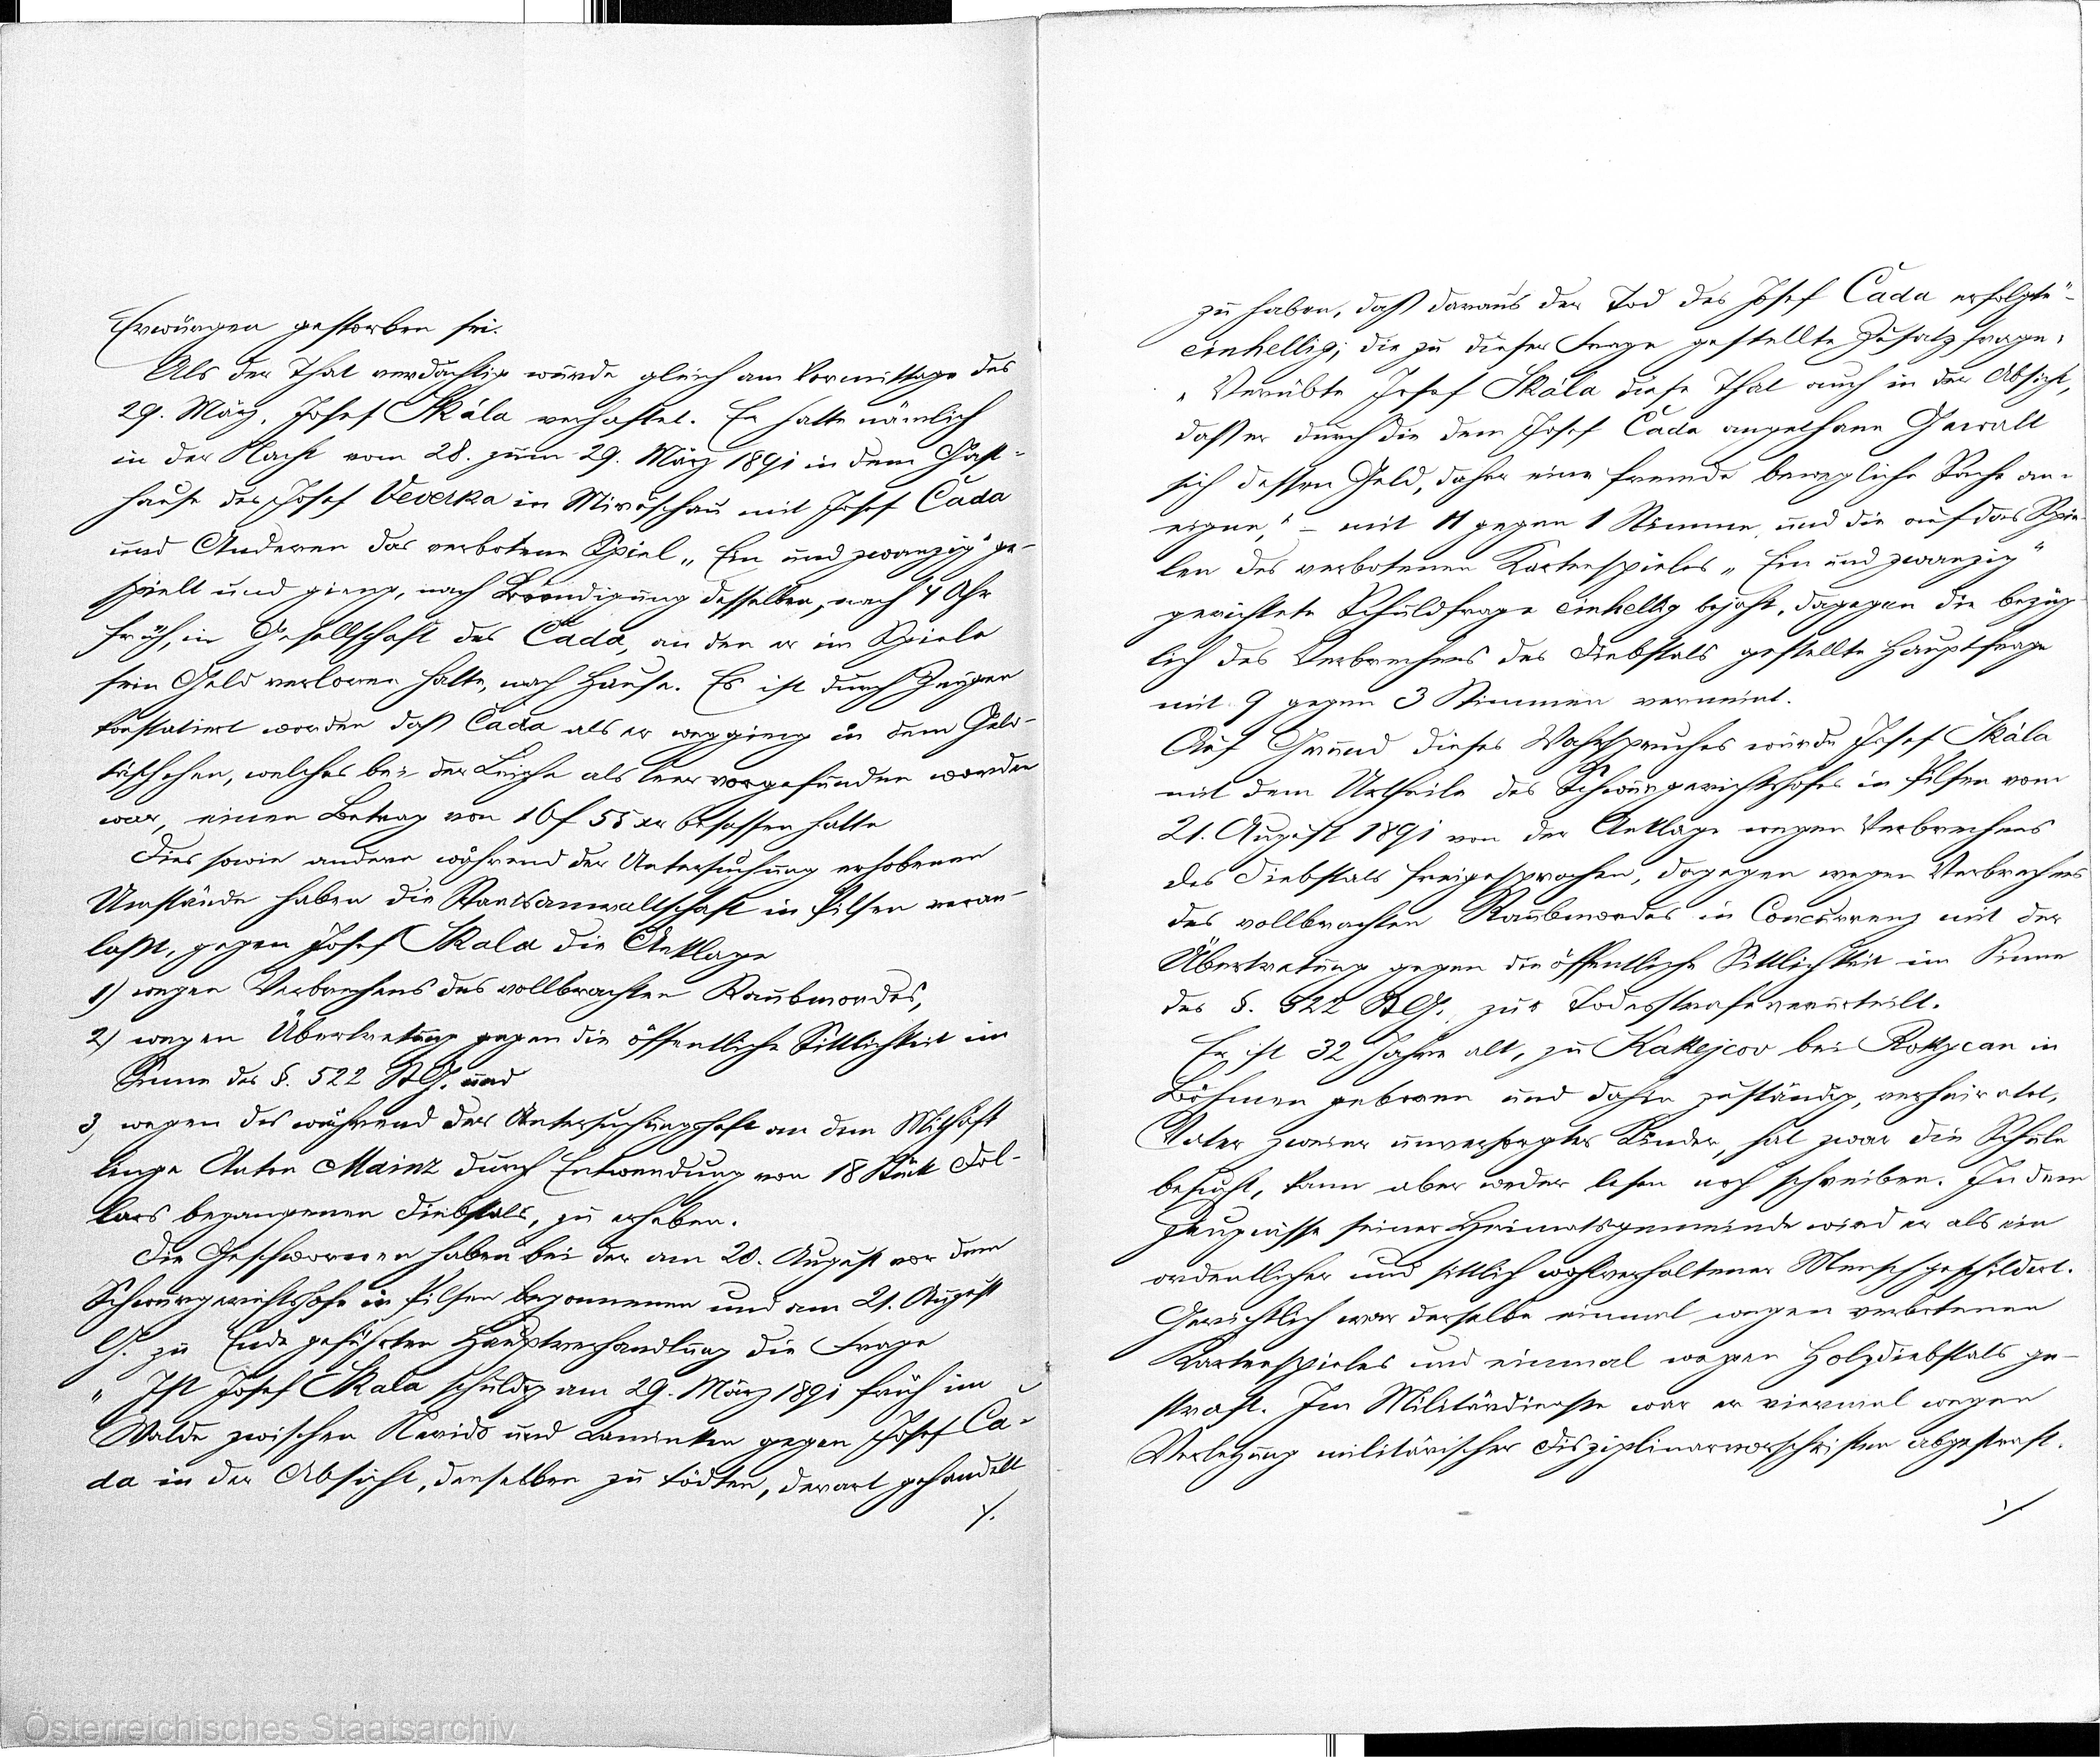Erwürgen gestorben sei.
Als der That verdächtig wurde gleich am Vormittage des
29. März, Josef Skála verhaftet. Er hatte nämlich
in der Nacht vom 28. zum 29. März 1891 in dem Gast¬
hause des Josef Veverka in Miröschau mit Josef Čada
und Anderen das verbotene Spiel „Ein und zwanzig“ ge¬
spielt und gieng, nach Beendigung desselben, nach 4 Uhr
früh, in Gesellschaft des Čada, an den er im Spiele
sein Geld verloren hatte, nach Hause. Es ist durch Zeugen
konstatiert worden, daß Čada als er wegging in dem Geld¬
täschen, welches bei der Leiche als leer vorgefunden worden
war, einen Betrag von 10f 55 xr besessen hatte.
Dies sowie andere während der Untersuchung erhobenen
Ustände haben die Staatsanwaltschaft in Pilsen veran¬
laßt, gegen Josef Skala die Anklage
1) wegen Verbrechens des vollbrachten Raubmordes,
2) wegen Übertretung gegen die öffentliche Sittlichkeit im
Sinne des §522 StG und
3) wegen des während der Untersuchungshaft an dem Mithaft¬
linge Anton Mainz durch Entwendung vom 18 Stück Dol¬
lars begangenen Deibstals, zu erheben.
Die Geschorenen haben bei der am 20. August vor dem
Schwurgerichtshof in Pilsen begonnenen und am 21. August
lJ. zu Ende geführten Hauptverhandlung die Frage
„Ist Josef Skala schuldig am 29. März 1891 früh im
Walde zwischen Nevido und Kaminken gegen Josef Ča¬
da in der Absicht, denselben zu tödten, derart gehandelt
zu haben, daß daraus der Tod des Josef Čada erfolgte“ –
einhellig, die zu dieser Frage gestellte Zusatzfrage,
„Verübte Josef Skála diese That auch in der Absicht,
daß er durch die dem Josef Čada angethane Gewalt
sich dessen Geld, daher eine fremde bewegliche Sache an¬
eigne,“ – mit 11 gegen 1 Stimme, und die auf das Spie¬
len des verbotenen Kartenspieles „Ein und zwanzig“
gerichtete Schuldfrage einhellig bejaht, dagegen die bezüg¬
lich des Verbrechens des Diebstals gestellte Hauptfrage
mit 9 gegen 3 Stimmen verneint.
Auf Grund dieses Wahrspruches wurde Josef Skála
mit dem Urtheile des Schwurgerichtshofes in Pilsen vom
21. August 1891 von der Anklage wegen Verbrehcnes
des Diebstals freigesprochen, dagegen wegen Verbrechens
des vollbrachten Raubmordes in Concurrenz mit der
Übertretung gegen die öfftentliche Sittlichkeit im Sinne
des §522 StG, zur Todesstrafe verurteilt.
Er ist 32 Jahre alt, zu Kakejcov bei Rokycan in
Böhmen geboren und dahin zuständig, verheiratet,
Vater zweier unversorgter Kinder, hat zwar die Schule
besucht, kann aber weder lesen noch schreiben. In dem
Zeugnisse seiner Heimatsgemeinde wird er als ein
ordentlicher und sittlich wohlverhaltener Mensch geschildert.
Gerichtlich war derselbe einmal wegen verbotenen
Kartenspieles und einmal wegen Holzdiebstals ge¬
straft. Im Militärdienst war er viermal wegen
Verlegung militärischer Disziplinarvorschriften abgestraft.